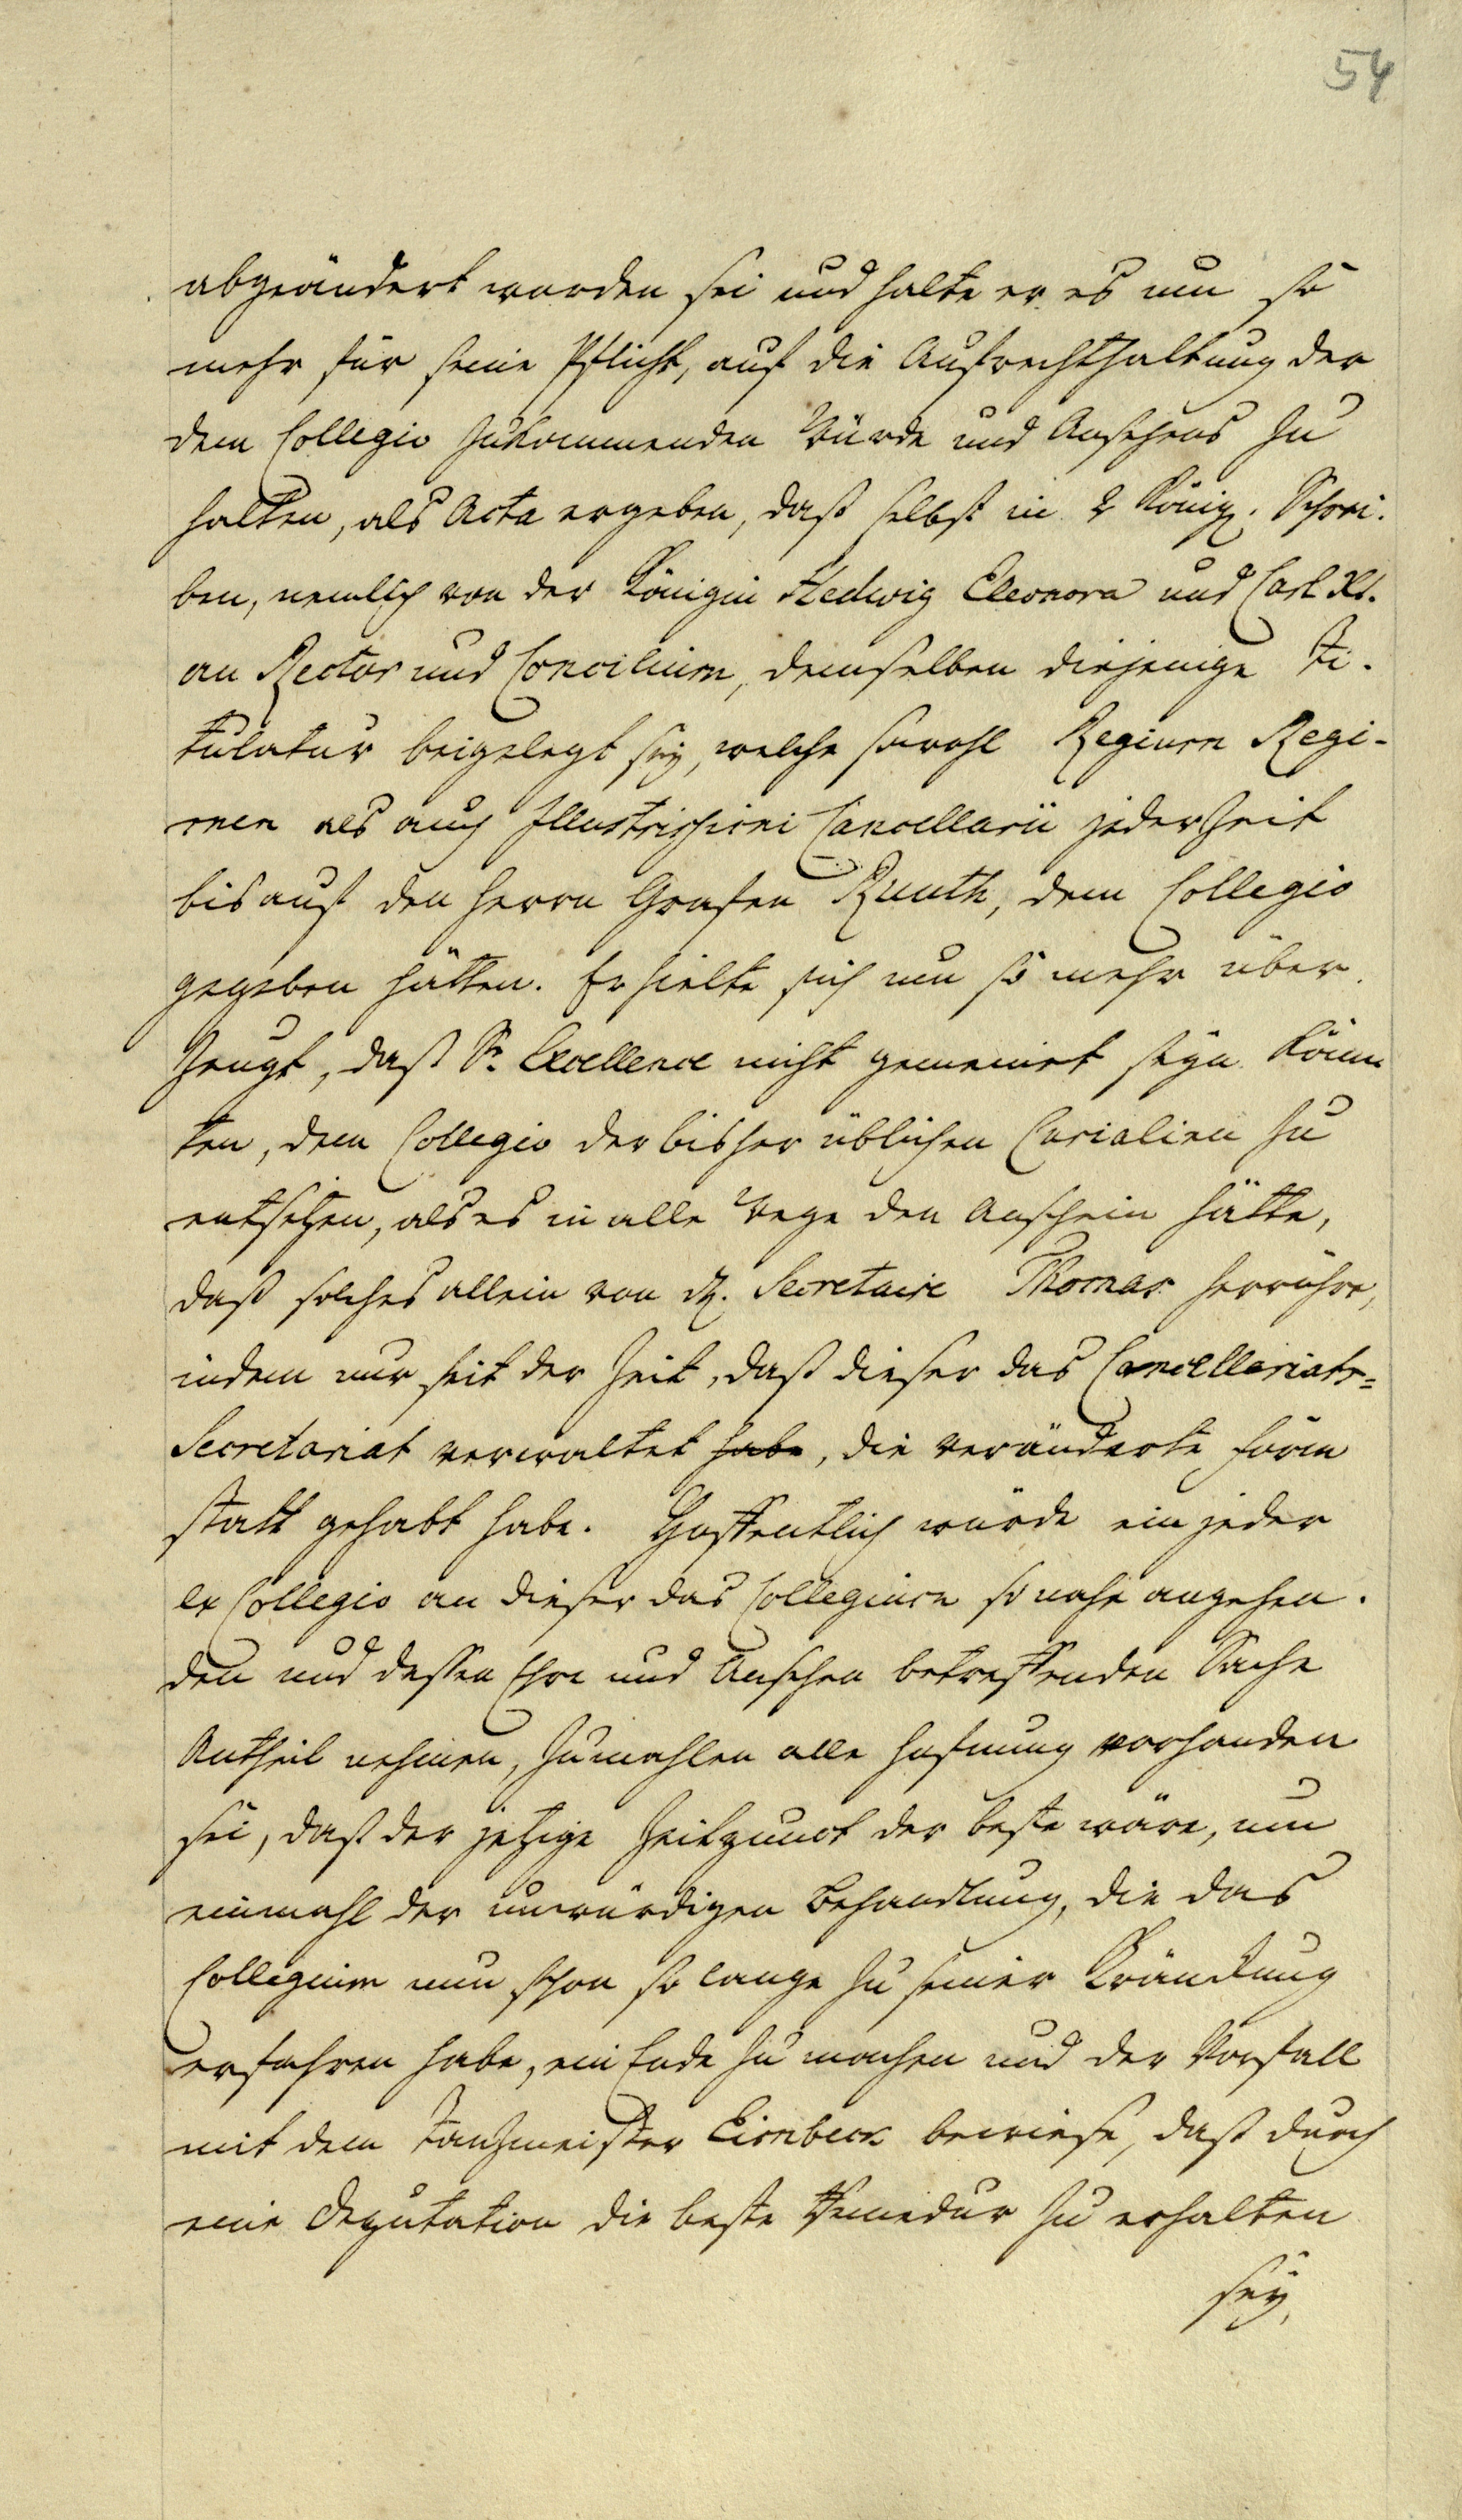abgeändert worden sei und halte er es um so
mehr für seine Pflicht, auf die Aufrechthaltung der
dem Collegio zukommenden Würde und Ansehens zu
halten, als Acta ergeben, daß selbst in 2 Königl. Schrei¬
ben, nemlich von der Königin Hedwig Eleonore und Carl XI.
an Rector und Concilium, demselben diejenige Ti¬
tulatur beigelegt seÿ, welche sowohl Rigium Regi¬
men als auch Illustrissimi Cancellarii jederzeit
bis auf den Herrn Grafen Ruuth, dem Collegio
gegeben hätten. Er hielte sich um so mehr über¬
zeugt, daß Sr. Excellence nicht gemeinet seÿn könn¬
ten, dem Collegio der bisher üblichen Curialien zu
entsetzen, als es in alle Wege den Anschein hätte,
daß solches allein von dh. Secretaire Thomas herrühre,
indem nur seit der Zeit, daß dieser das Cancelleriats
Secretariat verwaltet habe, die veränderte Form
statt gehabt habe. Hoffentlich würde ein jeder
ex Collegio an dieser das Collegium so nahe angehen¬
den und dessen Ehre und Ansehen betreffenden Sache
Antheil nehmen, zumahlen alle Hofnung vorhanden
sei, daß der jetzige Zeitpunct der beste wäre, um
einmahl der unwürdigen Behandlung, die das
Collegium nun schon so lange zu seiner Kränckung
erfahren habe, ein Ende zu machen und der Vorfall
mit dem Tanzmeister Eimbeck bewiese, daß durch
eine Deputation die beste Remedur zu erhalten
seÿ.